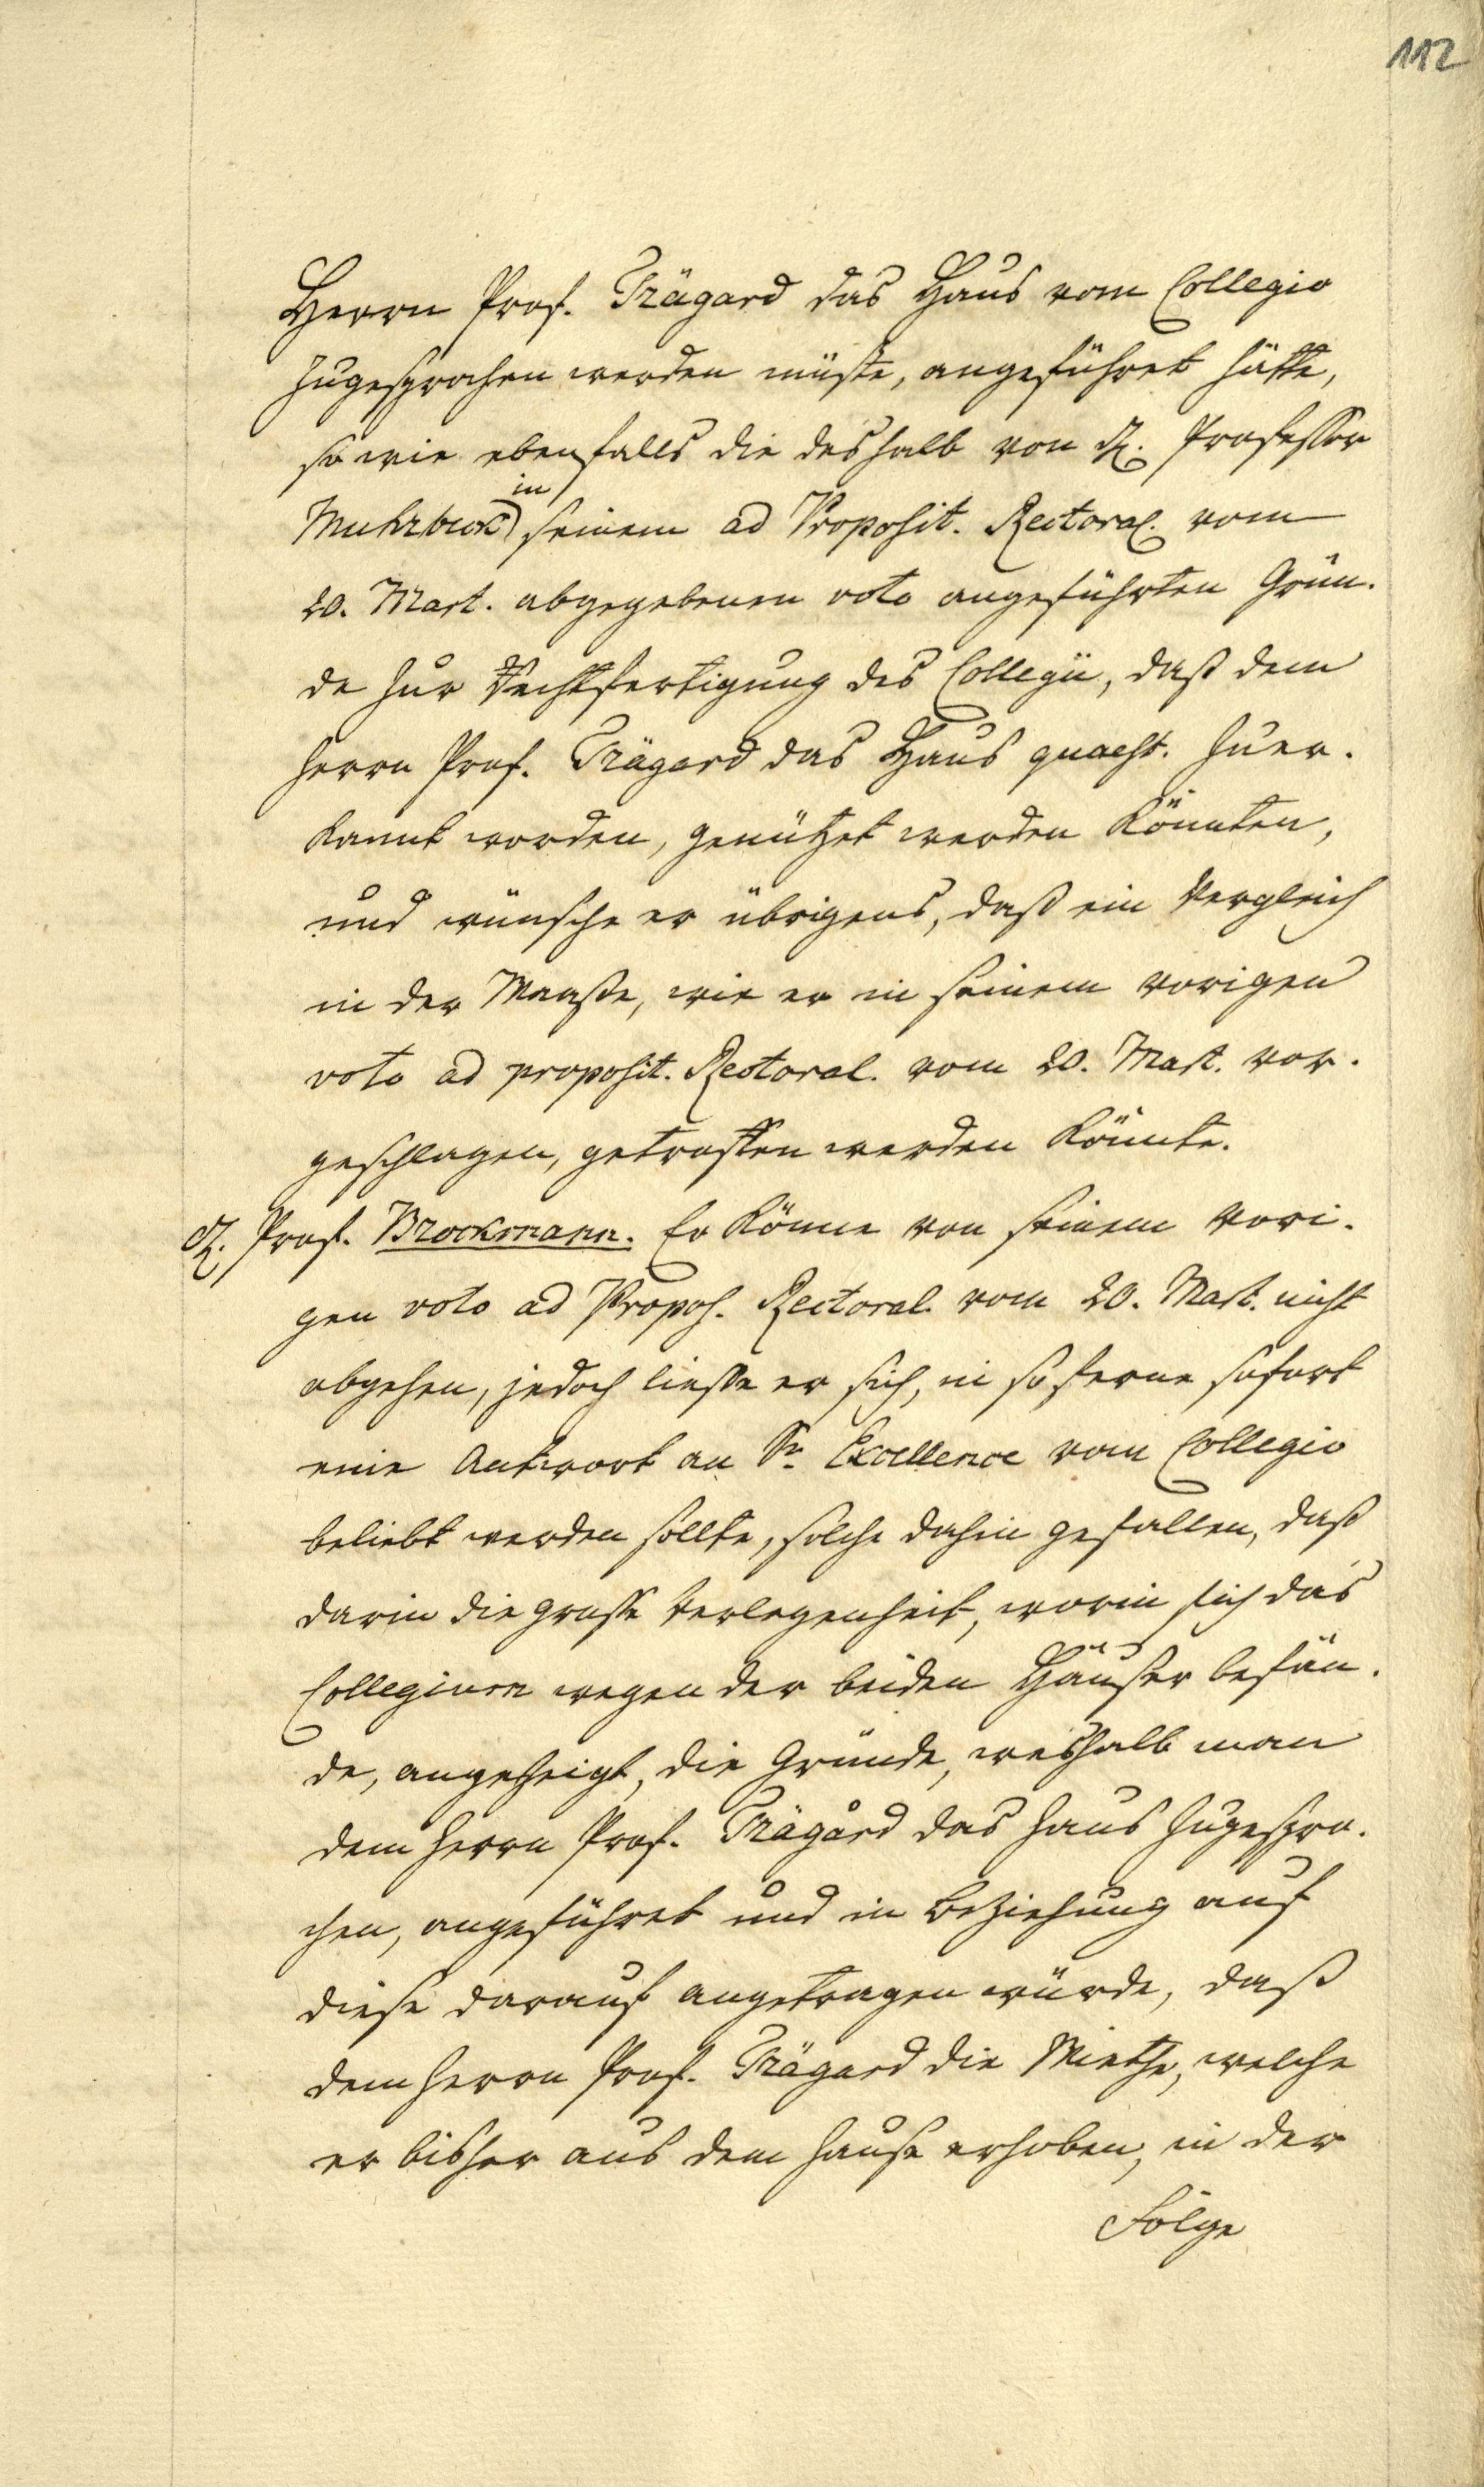Herrn Prof. Trägård das Haus vom Collegio
zugesprochen werden müßte, angeführet hätte,
so wie ebenfalls die des halb von dh. Professor
Muhrbeck in seinem ad Proposit. Rectoral. vom
20. Mart. abgegebenen voto angeführten Grün¬
de zur Rechtfertigung des Collegii, daß dem
Herrn Prof. Trägård das Haus quaest. zuer¬
kannt worden, genützet werden könnten,
und wünsche er übrigens, daß ein Vergleich
in der Maaße, wie er in seinem vorigen
voto ad proposit. Rectoral. vom 20. Mart. vor¬
geschlagen, getroffen werden könnte.
dh. Prof. Brockmann. Er könne von seinem vori¬
gen voto ad Propos. Rectoral. vom 20. Mart. nicht
abgehen, jedoch liesse er sich, in so ferne sofort
eine Antwort an Sr. Excellence vom Collegio
beliebt werden sollte, solche dahin gefallen, daß
darin die grosse Verlegenheit, worin sich das
Collegium wegen der beiden Häuser befän¬
de, angezeigt, die Gründe, weshalb man
dem Herrn Prof. Trägård das Haus zugespro¬
chen, angeführet und in Beziehung auf
diese darauf angetragen würde, daß
dem Herrn Prof. Trägård die Miethe, welche
er bisher aus dem Hause erhoben, in der
Folge